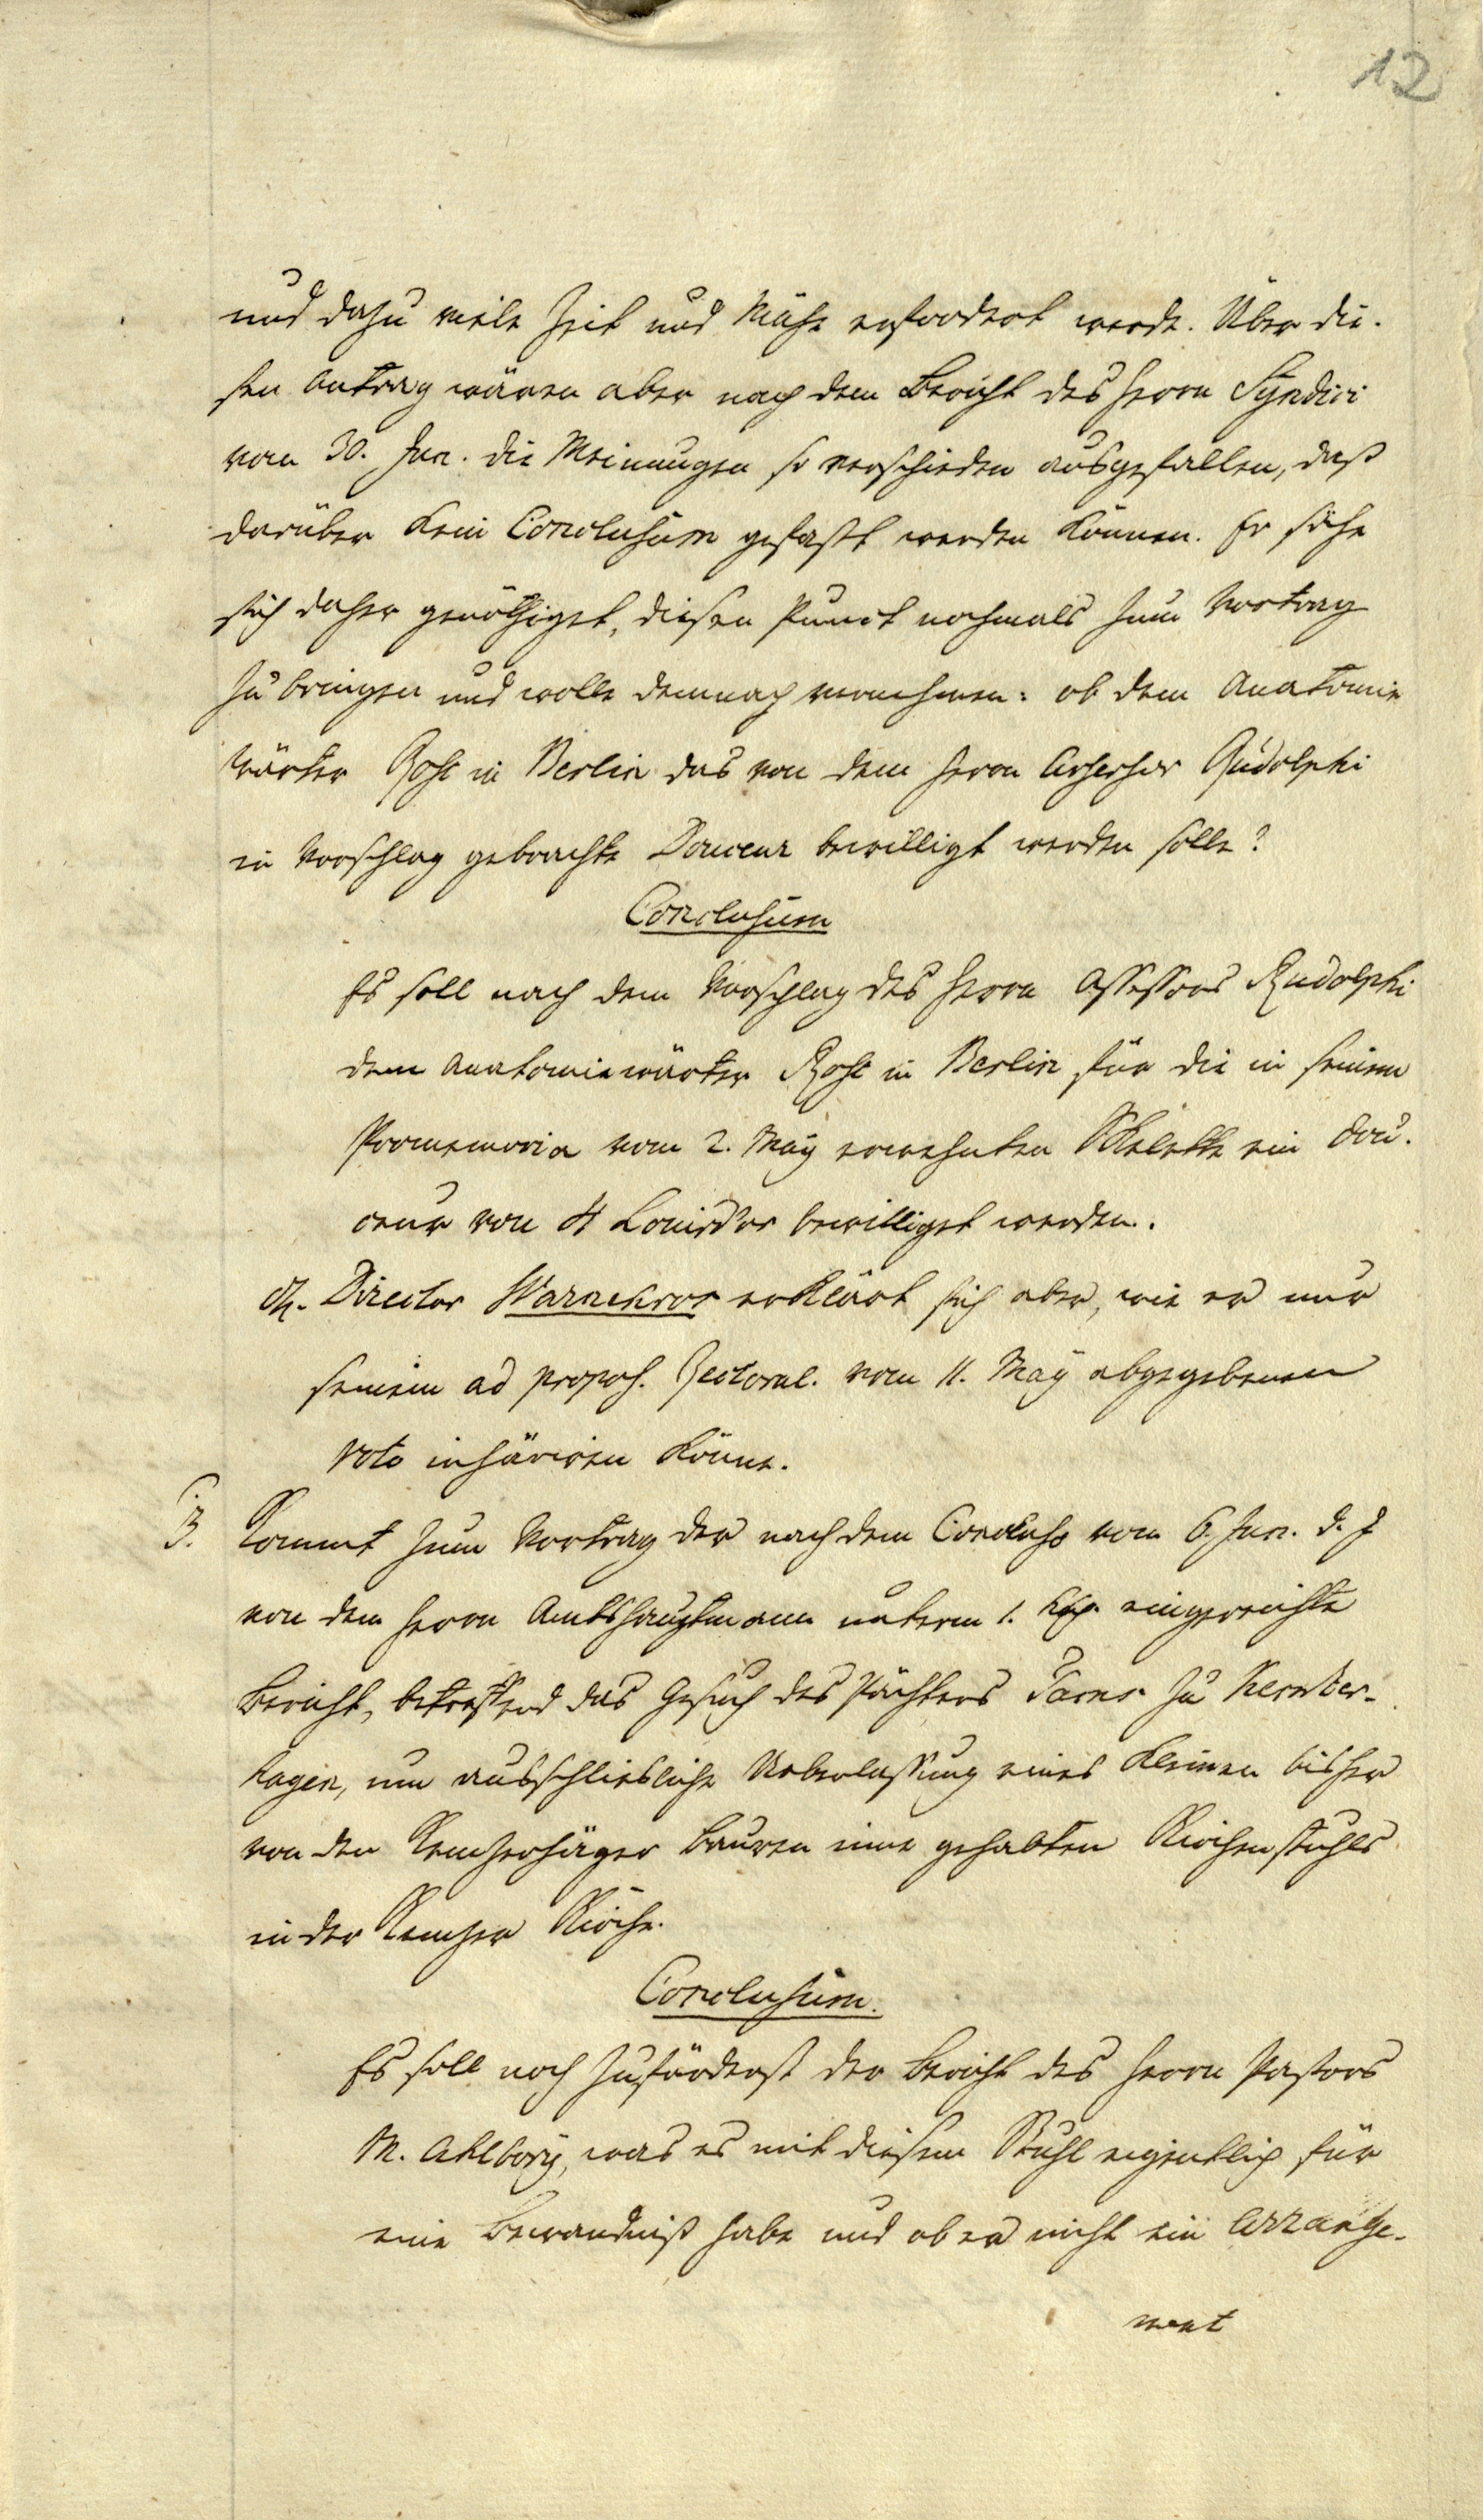und dazu viele Zeit und Mühe erfordert werde. Über die¬
sen Antrag wären aber nach dem Bericht des herrn Sÿndici
vom 30. Jun. die Meinungen so verschieden ausgefallen, daß
darüber kein Conclusum gefaßt werden können. Er sähe
sich daher genöthiget, diesen Punct nochmals zum Vortrag
zu bringen und wolle demnach vernehmen: ob dem Anatomie
Wärter Rost in Berlin das von dem herrn Assessor Rudolphi
in Vorschlag gebrachte Douceur bewilligt werden solle?
Conclusum
es soll nach dem Vorschlag des herrn Assessors Rudolphi
dem Anatomiewärter Rost in Berlin für die in seinem
Promemoria vom 2. Maÿ erwehnten Skelette ein dou¬
ceur von 4 Louisdor bewilliget werden.
dh. Director Warnekros erklärt sich aber, wie er nur
seinem ad propos. Rectoral. vom 11. Maÿ abgegebenen
voto inhäriren könne.
3. Kommt zum Vortrag der nach dem Concluso vom 6. Jun. d. J.
von dem herrn Amtshauptmann unterm 1. huj. eingereichte
Bericht, betreffend das Gesuch des Pächters Tams zu Kemzer¬
hagen, um ausschliesliche Ueberlassung eines kleinen bisher
von den Kemzerhäger Bauren inne gehabten Kirchenstuhls
in der Kemzer Kirche.
Conclusum
Es soll noch zuförderst der Bericht des herrn Pastors
M. Ahlbory, was es mit diesem Stuhl eigentlich für
eine Bewandnis habe und ob er nicht ein Arrange¬
ment